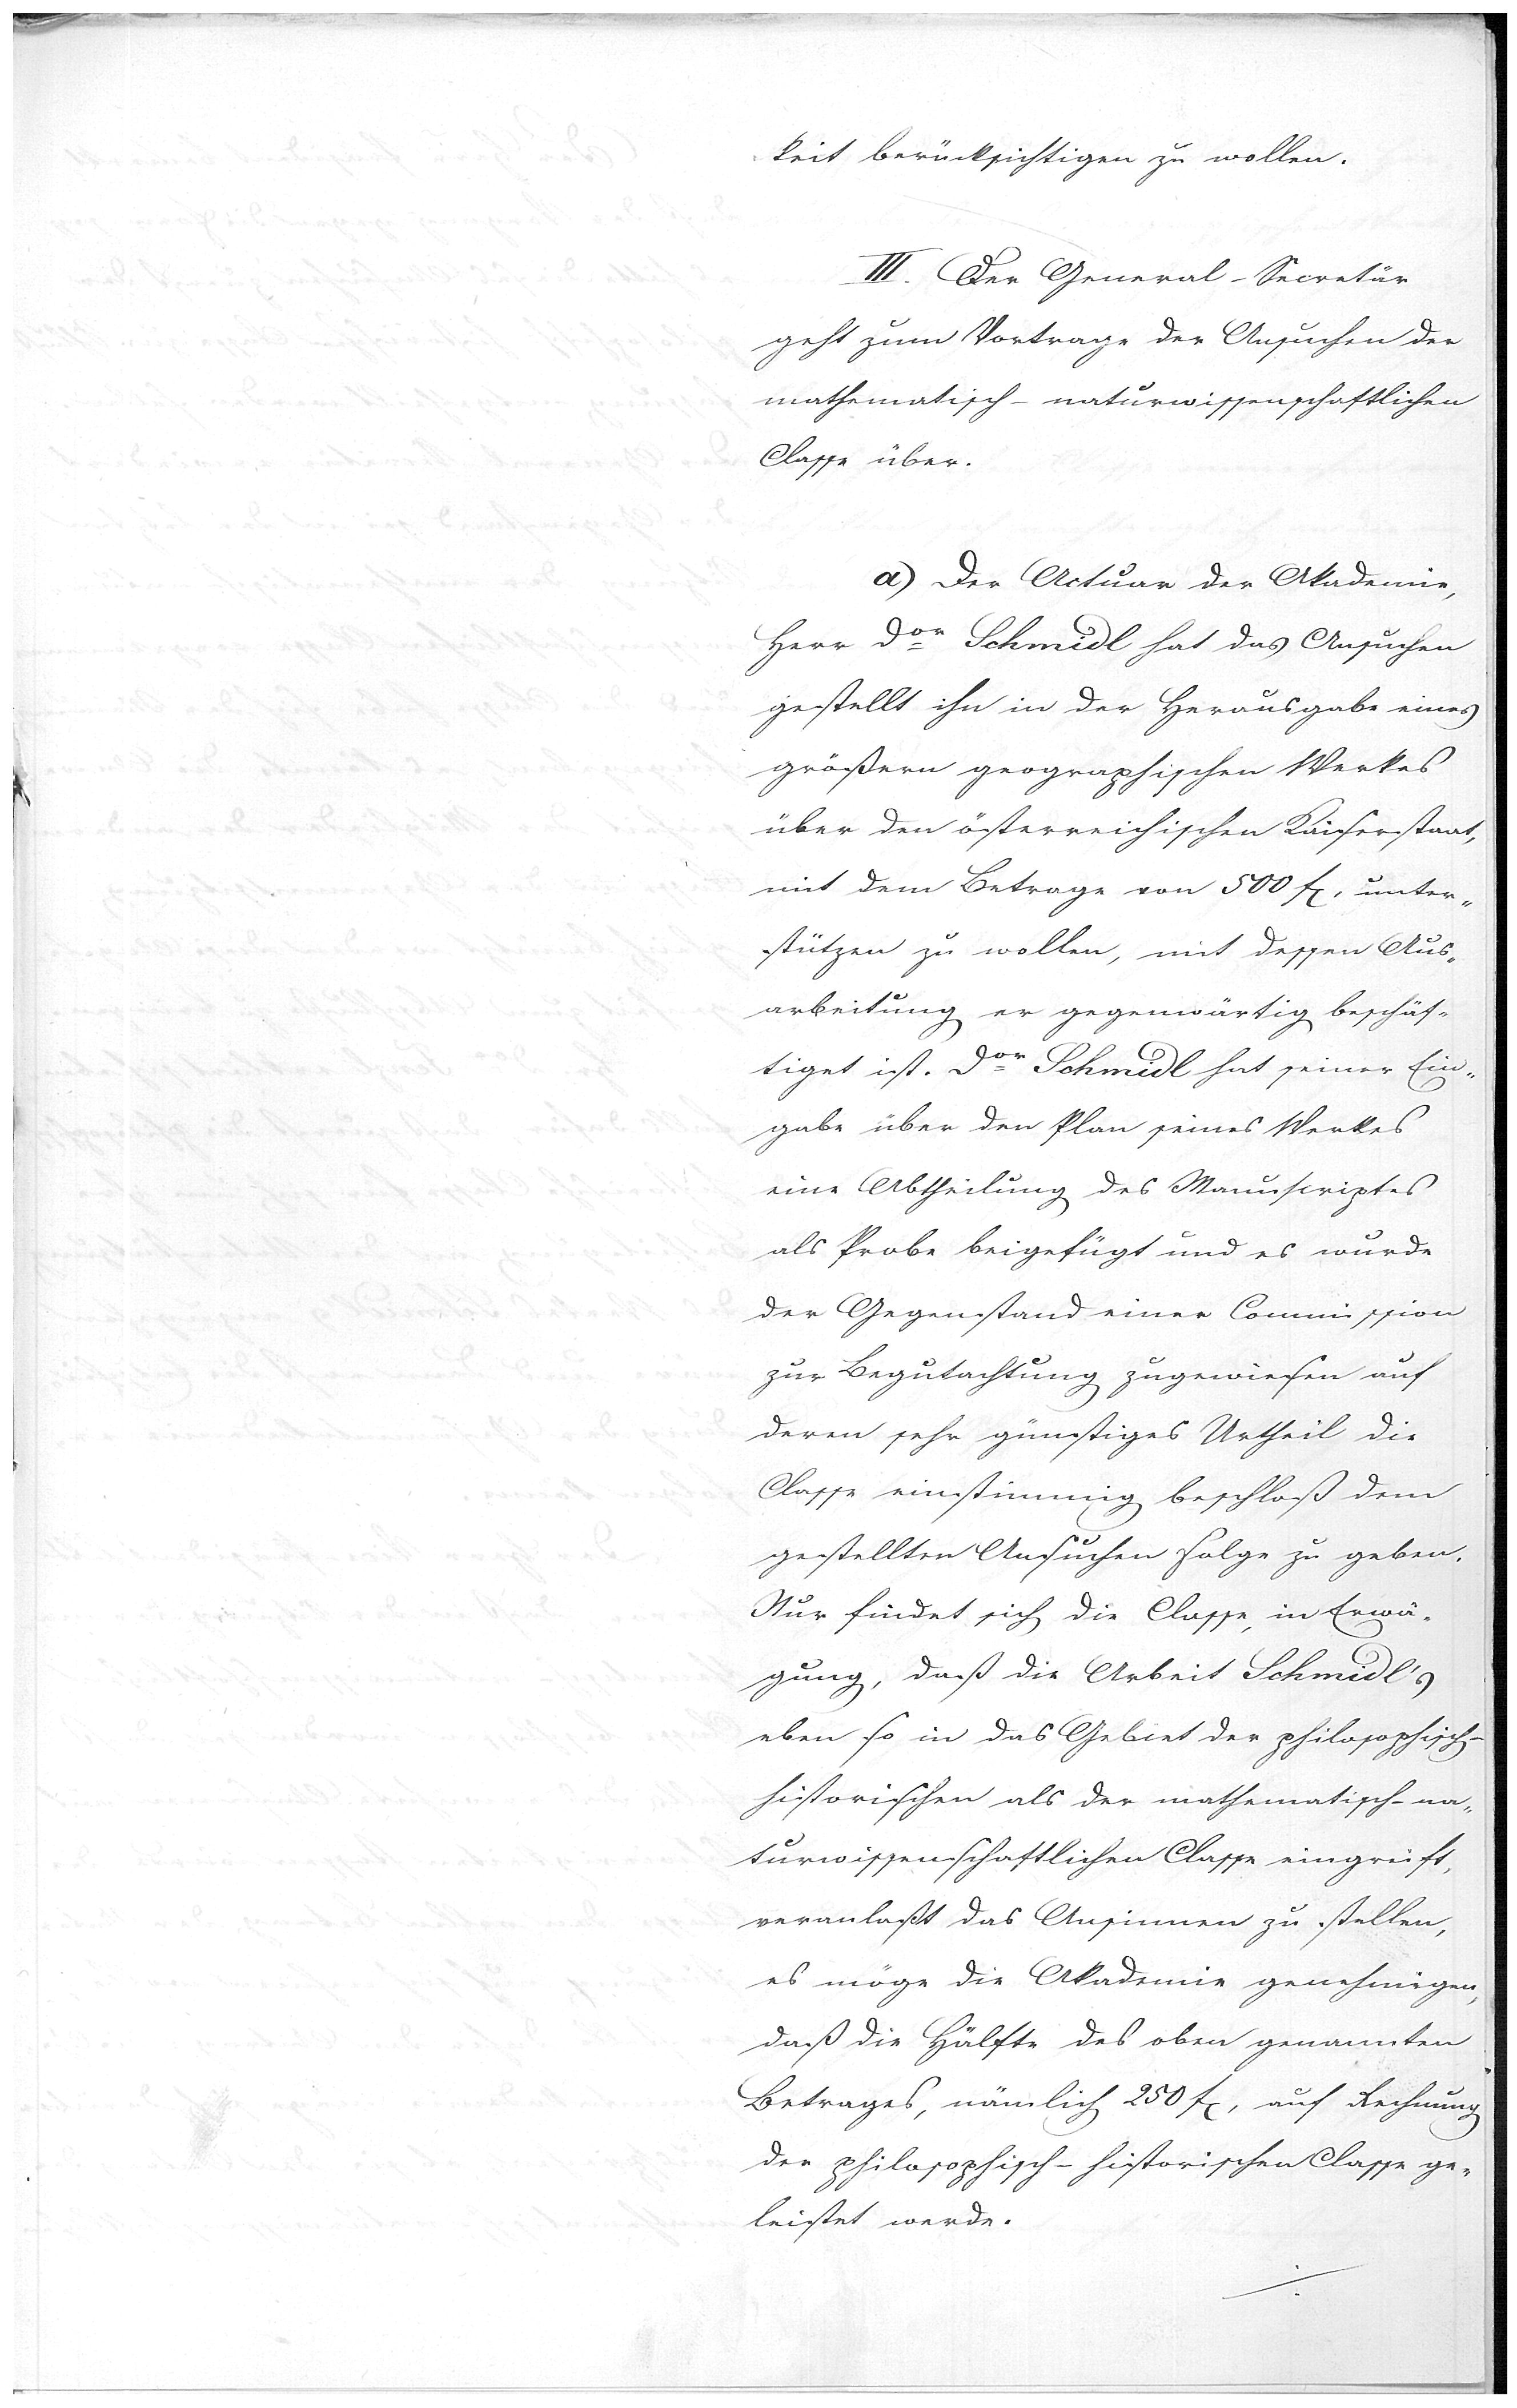keit berücksichtigen zu wollen.
III. Der General-Secretär
geht zum Vortrage der Ansuchen der
mathematisch-naturwissenschaftlichen
Classe über.
a) Der Actuar der Akademie,
Herr Dor Schmidl hat das Ansuchen
gestellt ihn in der Herausgabe eines
größern geographischen Werkes
über den österreichischen Kaiserstaat,
mit dem Betrage von 500 fl, unter-
stützen zu wollen, mit dessen Aus-
arbeitung er gegenwärtig beschäf-
tiget ist. Dor Schmidl hat seiner Ein-
gabe über den Plan seines Werkes
eine Abtheilung des Manuscriptes
als Probe beigefügt und es wurde
der Gegenstand einer Commission
zur Begutachtung zugewiesen auf
deren sehr günstiges Urtheil die
Classe einstimmig beschloß dem
gestellte Ansuchen Folge zu geben.
Nur findet sich die Classe in Erwä-
gung, daß die Arbeit Schmidl's
eben so in das Gebcet der philosophisch-
historischen als der mathematisch-na
turwissenschaftlichen Classe eingreift,
veranlaßt das Ansinnen zu stellen,
es möge die Akademie genehmigen,
daß die Hälfte des oben genannten
Betrages, nämlich 250 fl, auf Rechnung
der philosophisch-historischen Classe ge-
leistet werde.